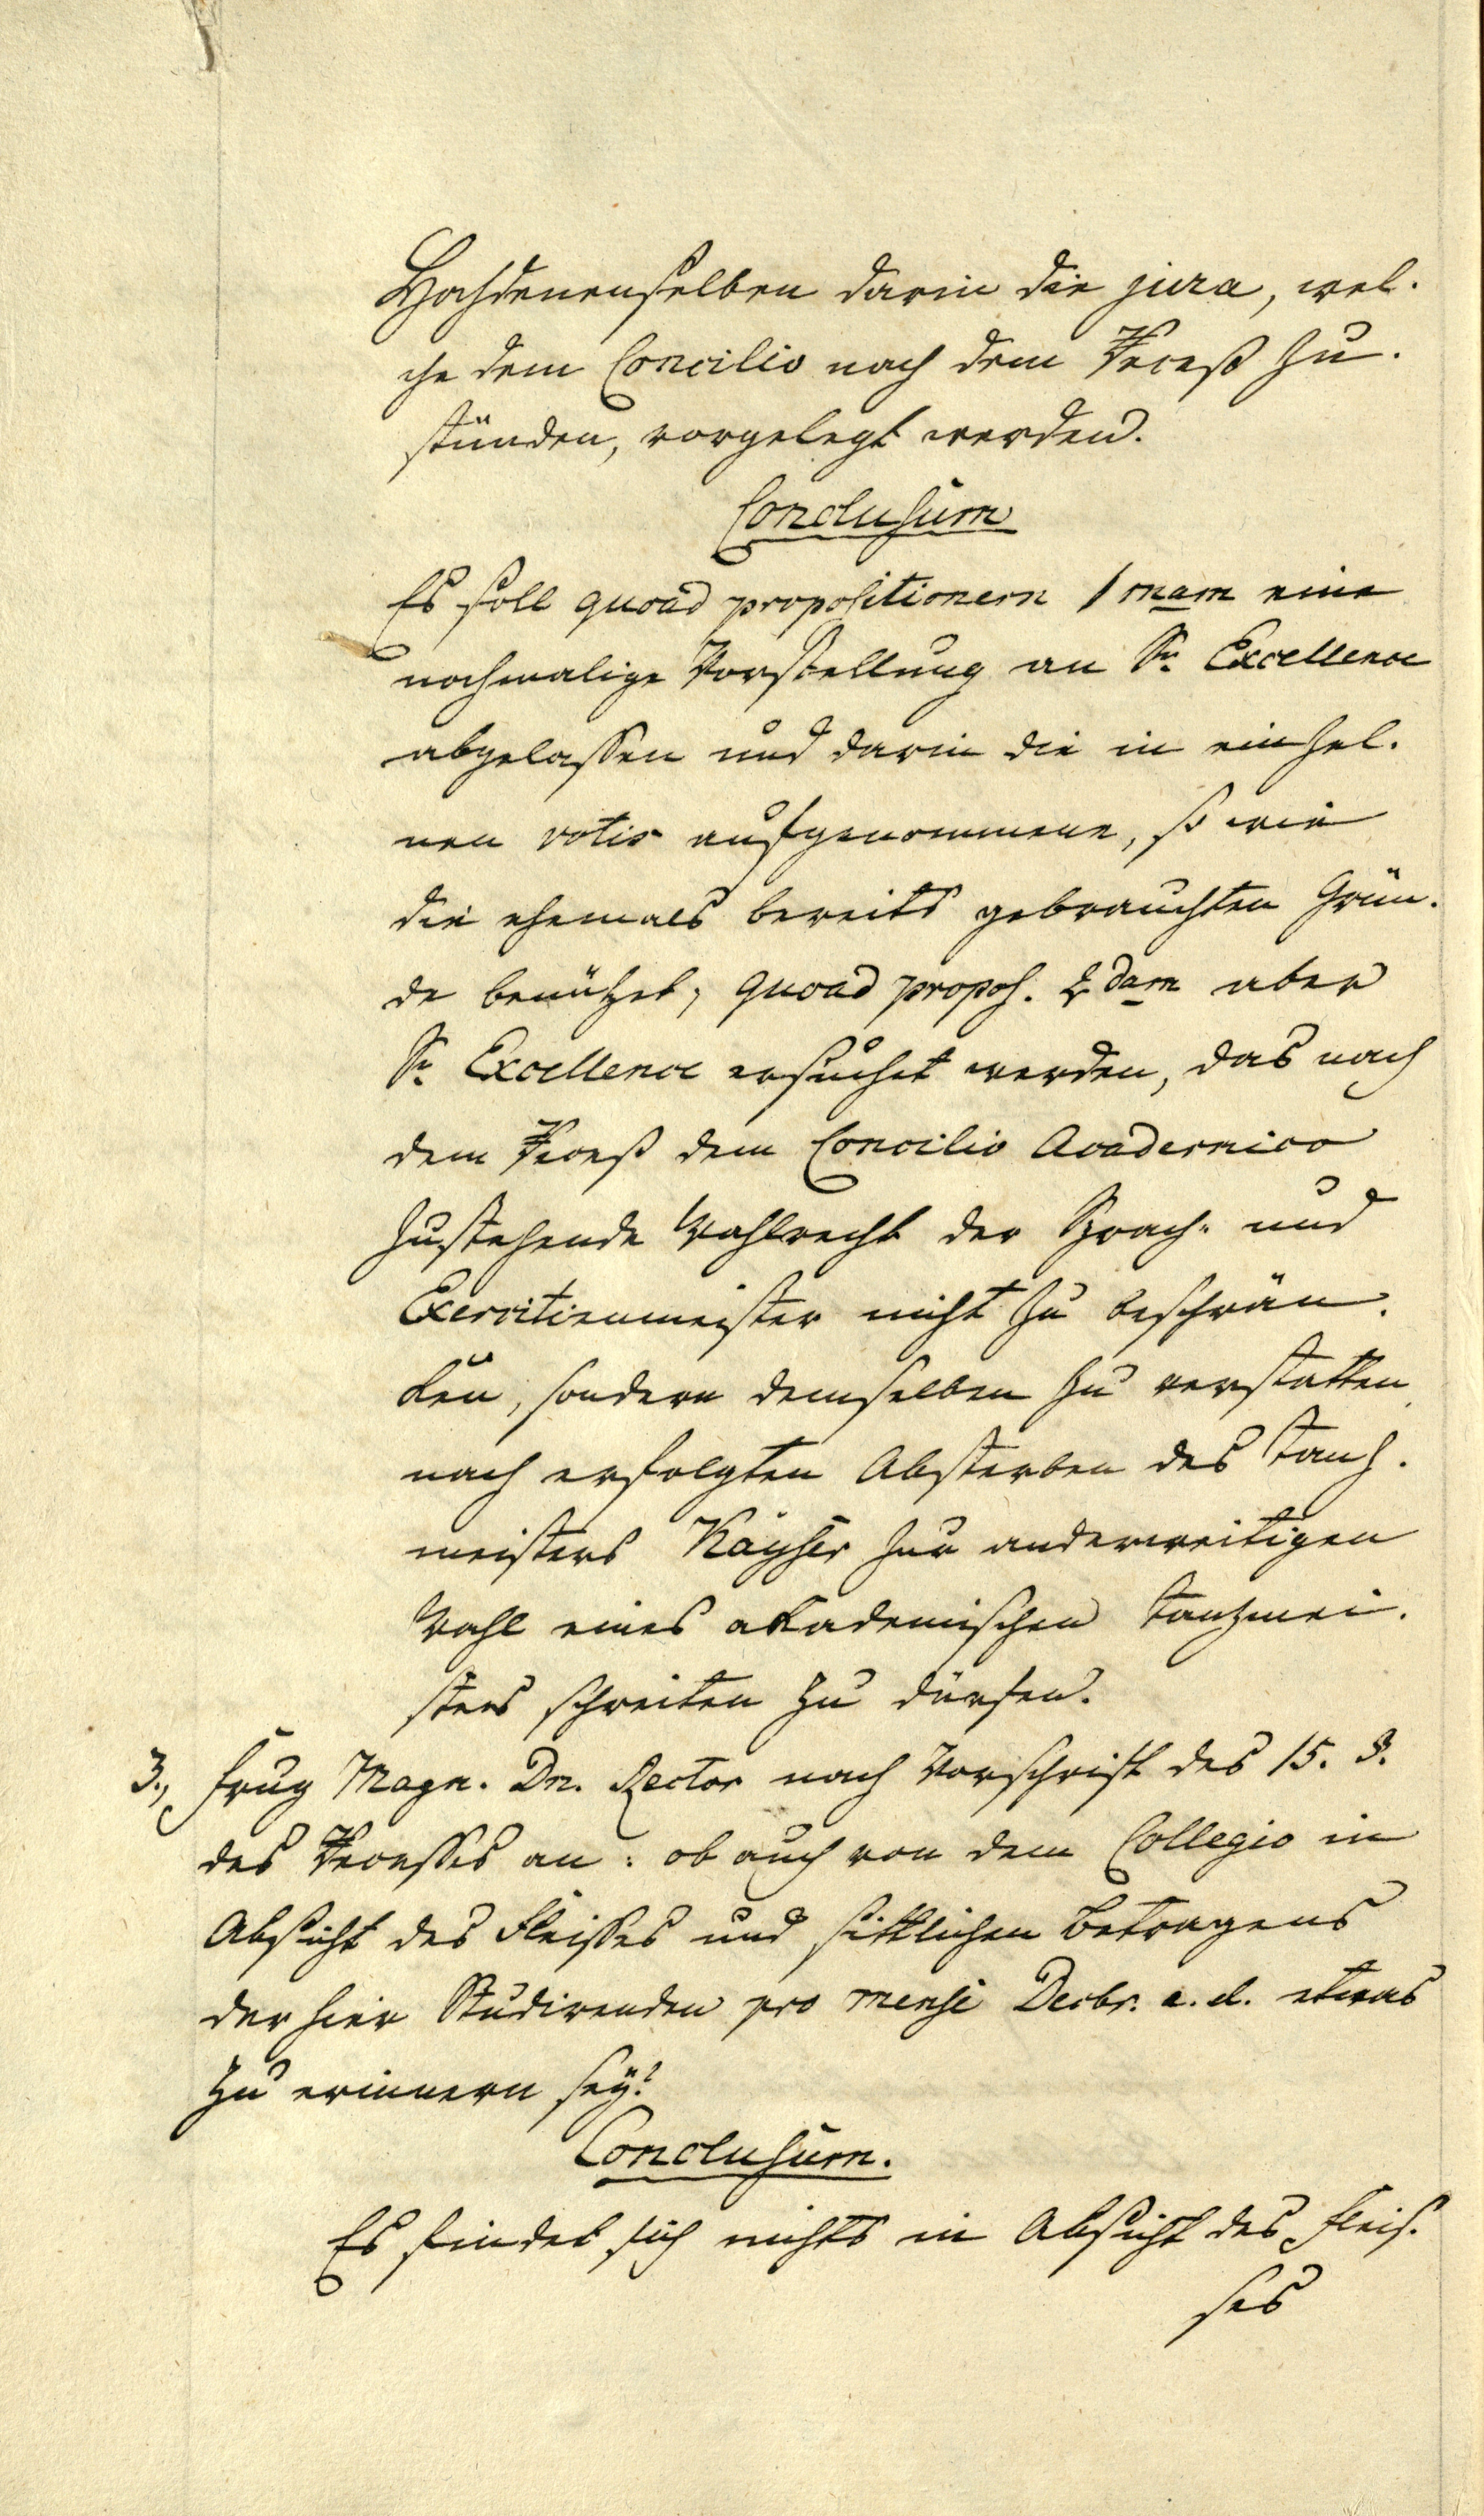Hochdenenselben darin die jura, wel¬
che dem Concilio nach dem Receß zu¬
stünden, vorgelegt werden.
Conclusum
Es soll quoad propositionem / man eine
nochmalige Vorstellung an Sr Excellence
abgelassen und darin die in einzel¬
nen votis aufgenommene, so wie
die ehemals bereits gebrauchten Grün¬
de bemühet, quoad propos. 2 dam aber
Sr Excellence ersucht werden, das nach
dem Receß dem Concilio Academico
zustehende Wahlrecht der Sprach- und
Exercitienmeister nicht zu beschrän¬
ken, sondern demselben zu verstatten,
nach erfolgten Absterben des Tanz¬
meisters Kaÿser zur anderweitigen
Wahl eines akademischen Tanzmei¬
sters schreiten zu dürfen.
3. frug Magn. Dn. Rector nach Vorschrift des 15. §.
des Recesses an: ob auch von dem Collegio in
Absicht des Fleisses und sittlichen Betragens
der hier Studirenden pro mense Decbr a. et. etwas
zu erinnern seÿ?
Conclusum.
Es findet sich nichts in Absicht des Fleis¬
ses